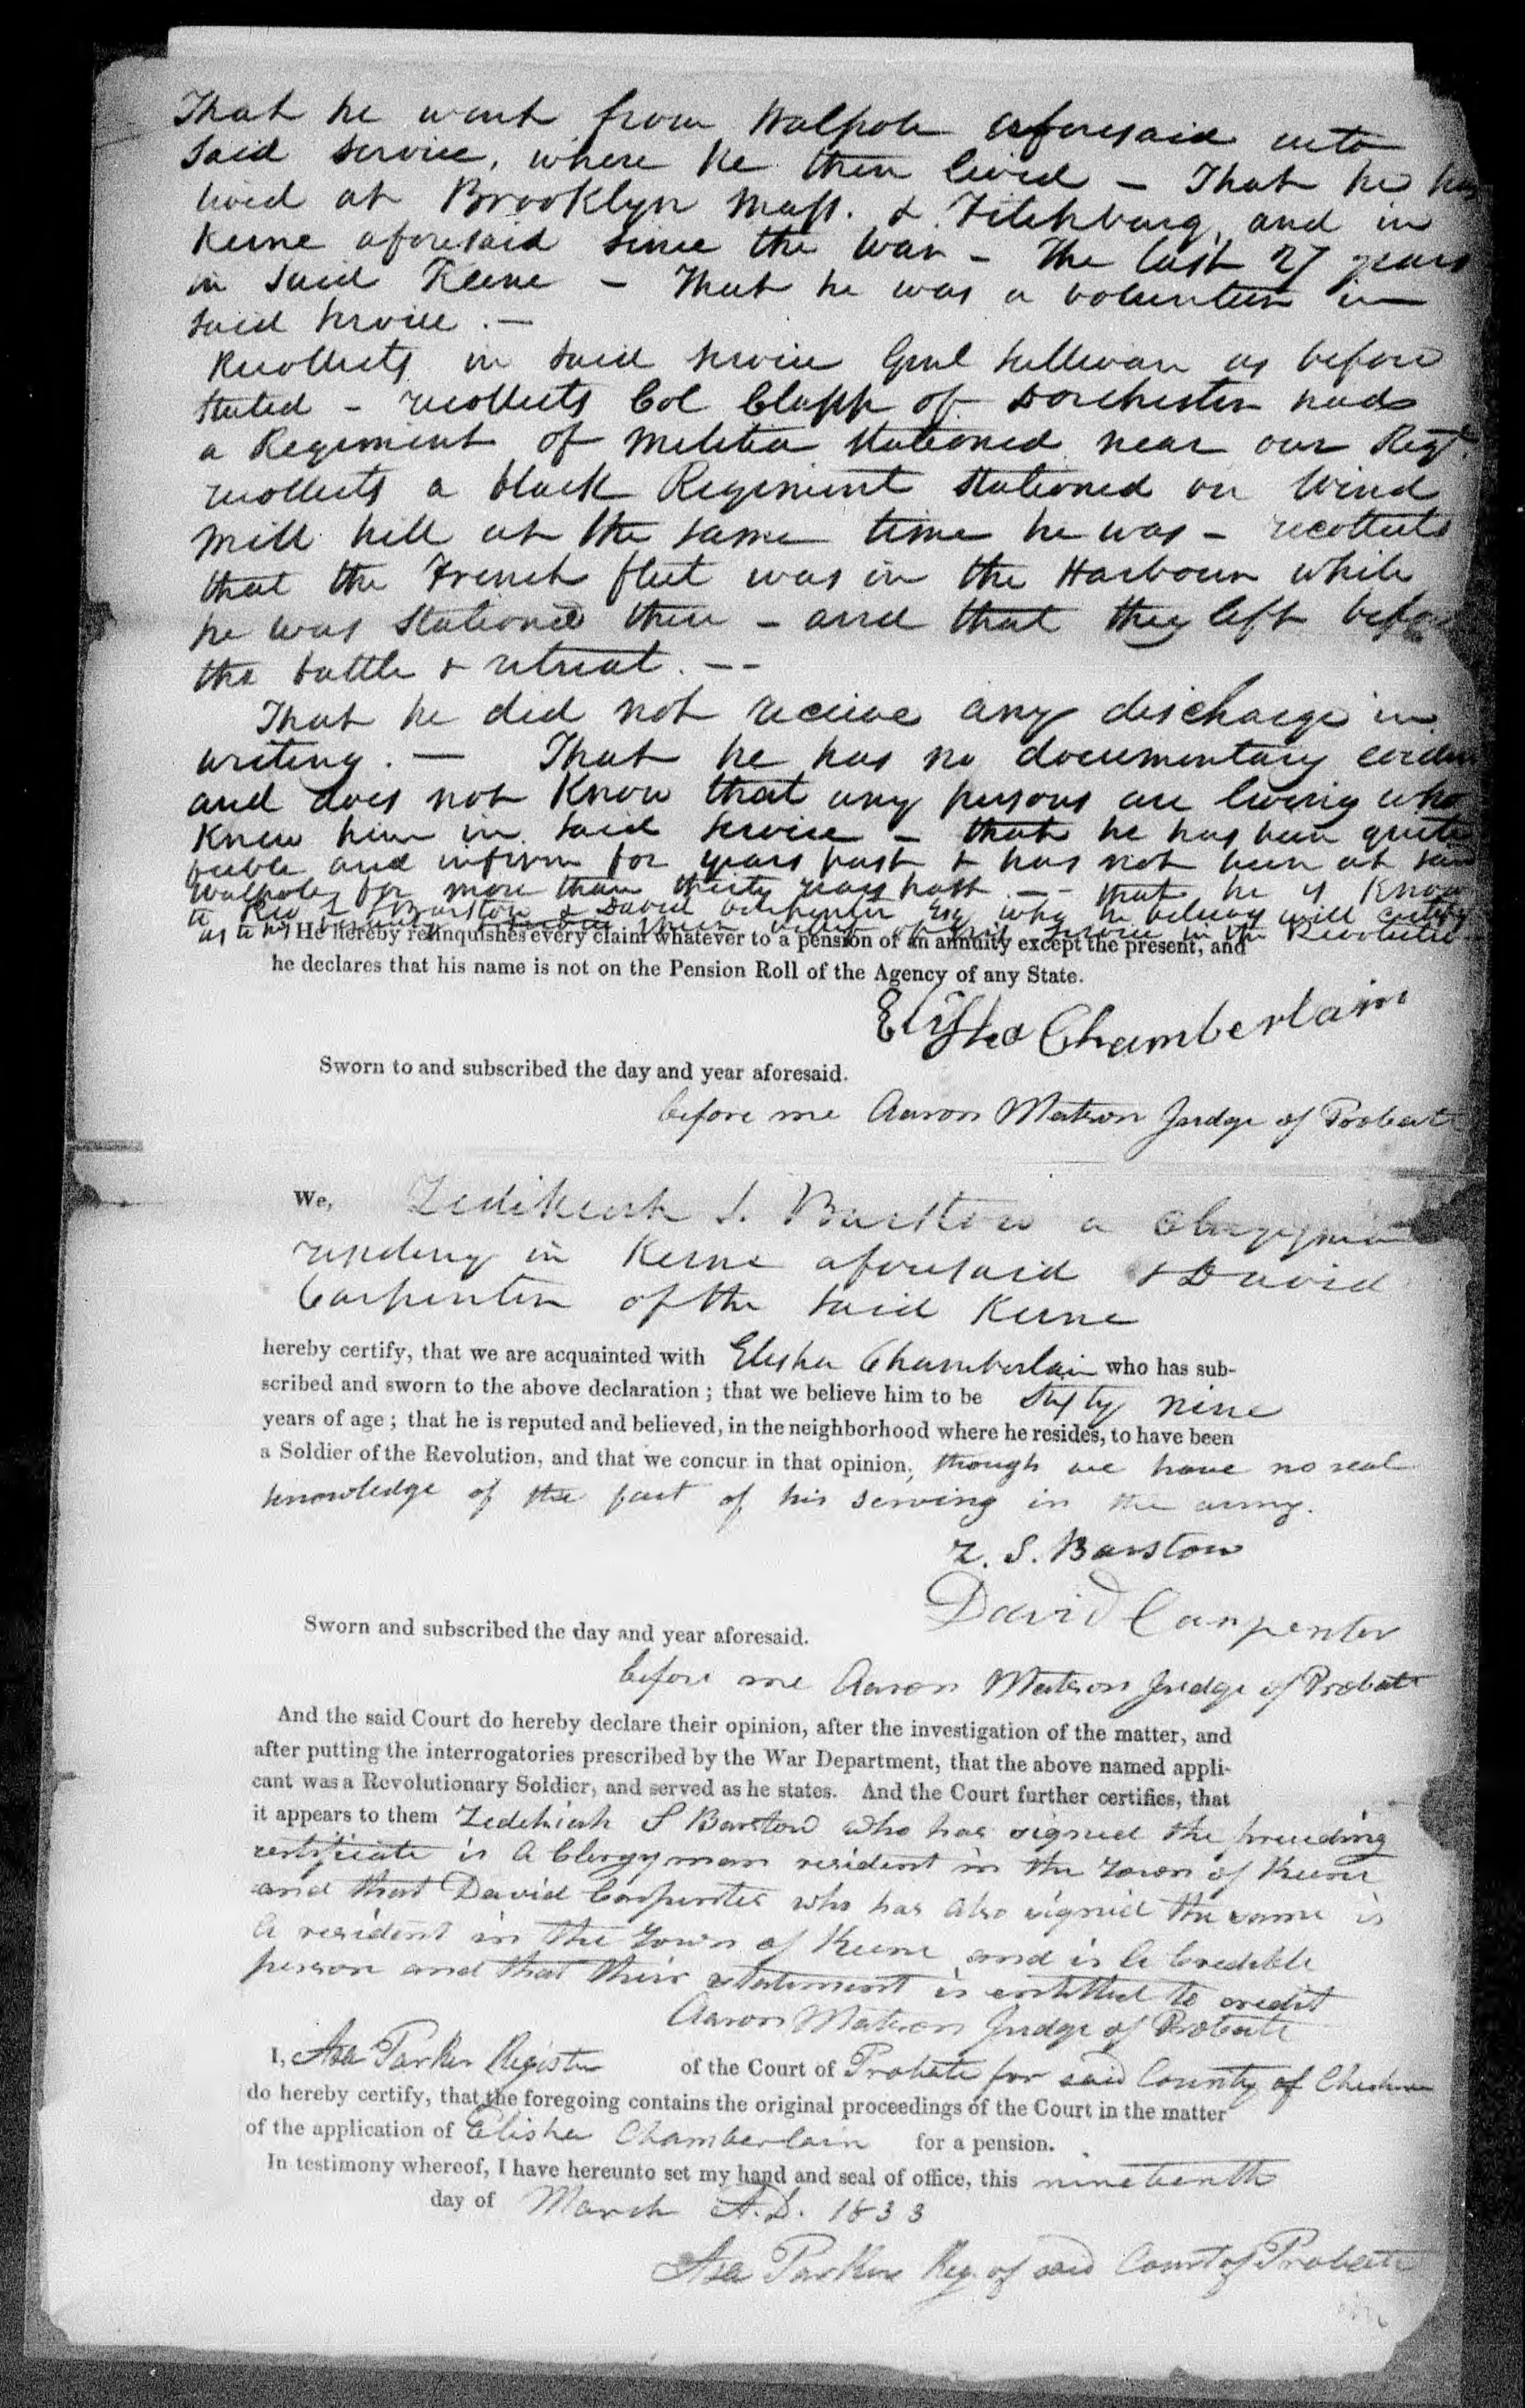That he went from Walpole aforesaid into said service, where he then lived - That he [illegible] lived at Brooklyn Mass & Fitchburg, and in Keene aforesaid since the war - The last 27 years in said Keene - That he was a volunteer in said service. 

Recollects in said service Genl Sullivan as before stated - recollects Col. Clapp of Dorchester had a Regiment of militia stationed near our Regt., recollects a black Regiment stationed on Wind Mill Hill at the same time he was - recollects that the French fleet was in the Harbour while he was stationed there - and that they left before the battle & retreat.

That he did not receive any discharge in writing. - That he has no documentary evidence and does not know that any persons are living who knew him in said service - that he has been quite feeble and infirm for years past & has not been at said Walpole for more than thirty years past. -- That he is known to Rev. [illegible] who he believes will certify as to his [illegible] of his service in the Revolution.

He hereby relinquishes every claim whatever to a pension or an annuity except the present, and he declares that his name is not on the Pension Roll of the Agency of any State. 

Elisha Chamberlain
Sworn to and subscribed the day and year aforesaid
before me Aaron Matson Judge of Probate
We, Zedekiah S. Barstow a clergyman residing in Keene aforesaid & David Carpenter of the said Keene
hereby certify, that we are acquainted with Elisha Chamberlain who has subscribed and sworn to the above declaration; that we believe him to be sixty-nine years of age; that he is reputed and believed, in the neighborhood where he resides, to have been a soldier of the Revolution, and that we concur in that opinion, though we have no real knowledge of the past of his serving in the army.
Z.S. Barstow
David Carpenter
Sworn and subscribed the day and year aforesaid.
before me Aaron Matson Judge of Probate
And the said Court do hereby declare their opinion, after the investigation of the matter, and after putting the interrogatories prescribed by the War Department, that the above named applicant was a Revolutionary Soldier, and served as he states. And the Court further certifies, that it appears to them Zedekiah S. Barstow who has signed the preceding certificate is a clergyman resident in the town of Keene and that David Carpenter who has also signed the same is a resident in the town of Keene and is a credible person and that their attestment is entitled to credit.
Aaron Matson Judge of Probate
I, Asa Parker Registrar of the Court of Probate for said County of Cheshire, do hereby certify, that the foregoing contains the original proceedings of the Court in the matter of the application of Elisha Chamberlain for a pension. 
In testimony whereof, I have hereunto set my hand and seal of office, this nineteenth day of March, A.D. 1833.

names: David Carpenter, Aaron Matson, Zedikiah S Barston, Aaron Matson, Aaron Matson, Clapp, Asa Parker, Elisha Chamberlain, Elisha Chamberlain, Elisha Chamberlain, Asa Parker, David Carpenter, David Carpenter, Sullivan, Zedekiah S Barston, Z S Barston, David Carpenter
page: 4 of 24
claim: rejected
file: R. 1835, Elisha Chamberlain, Mass.